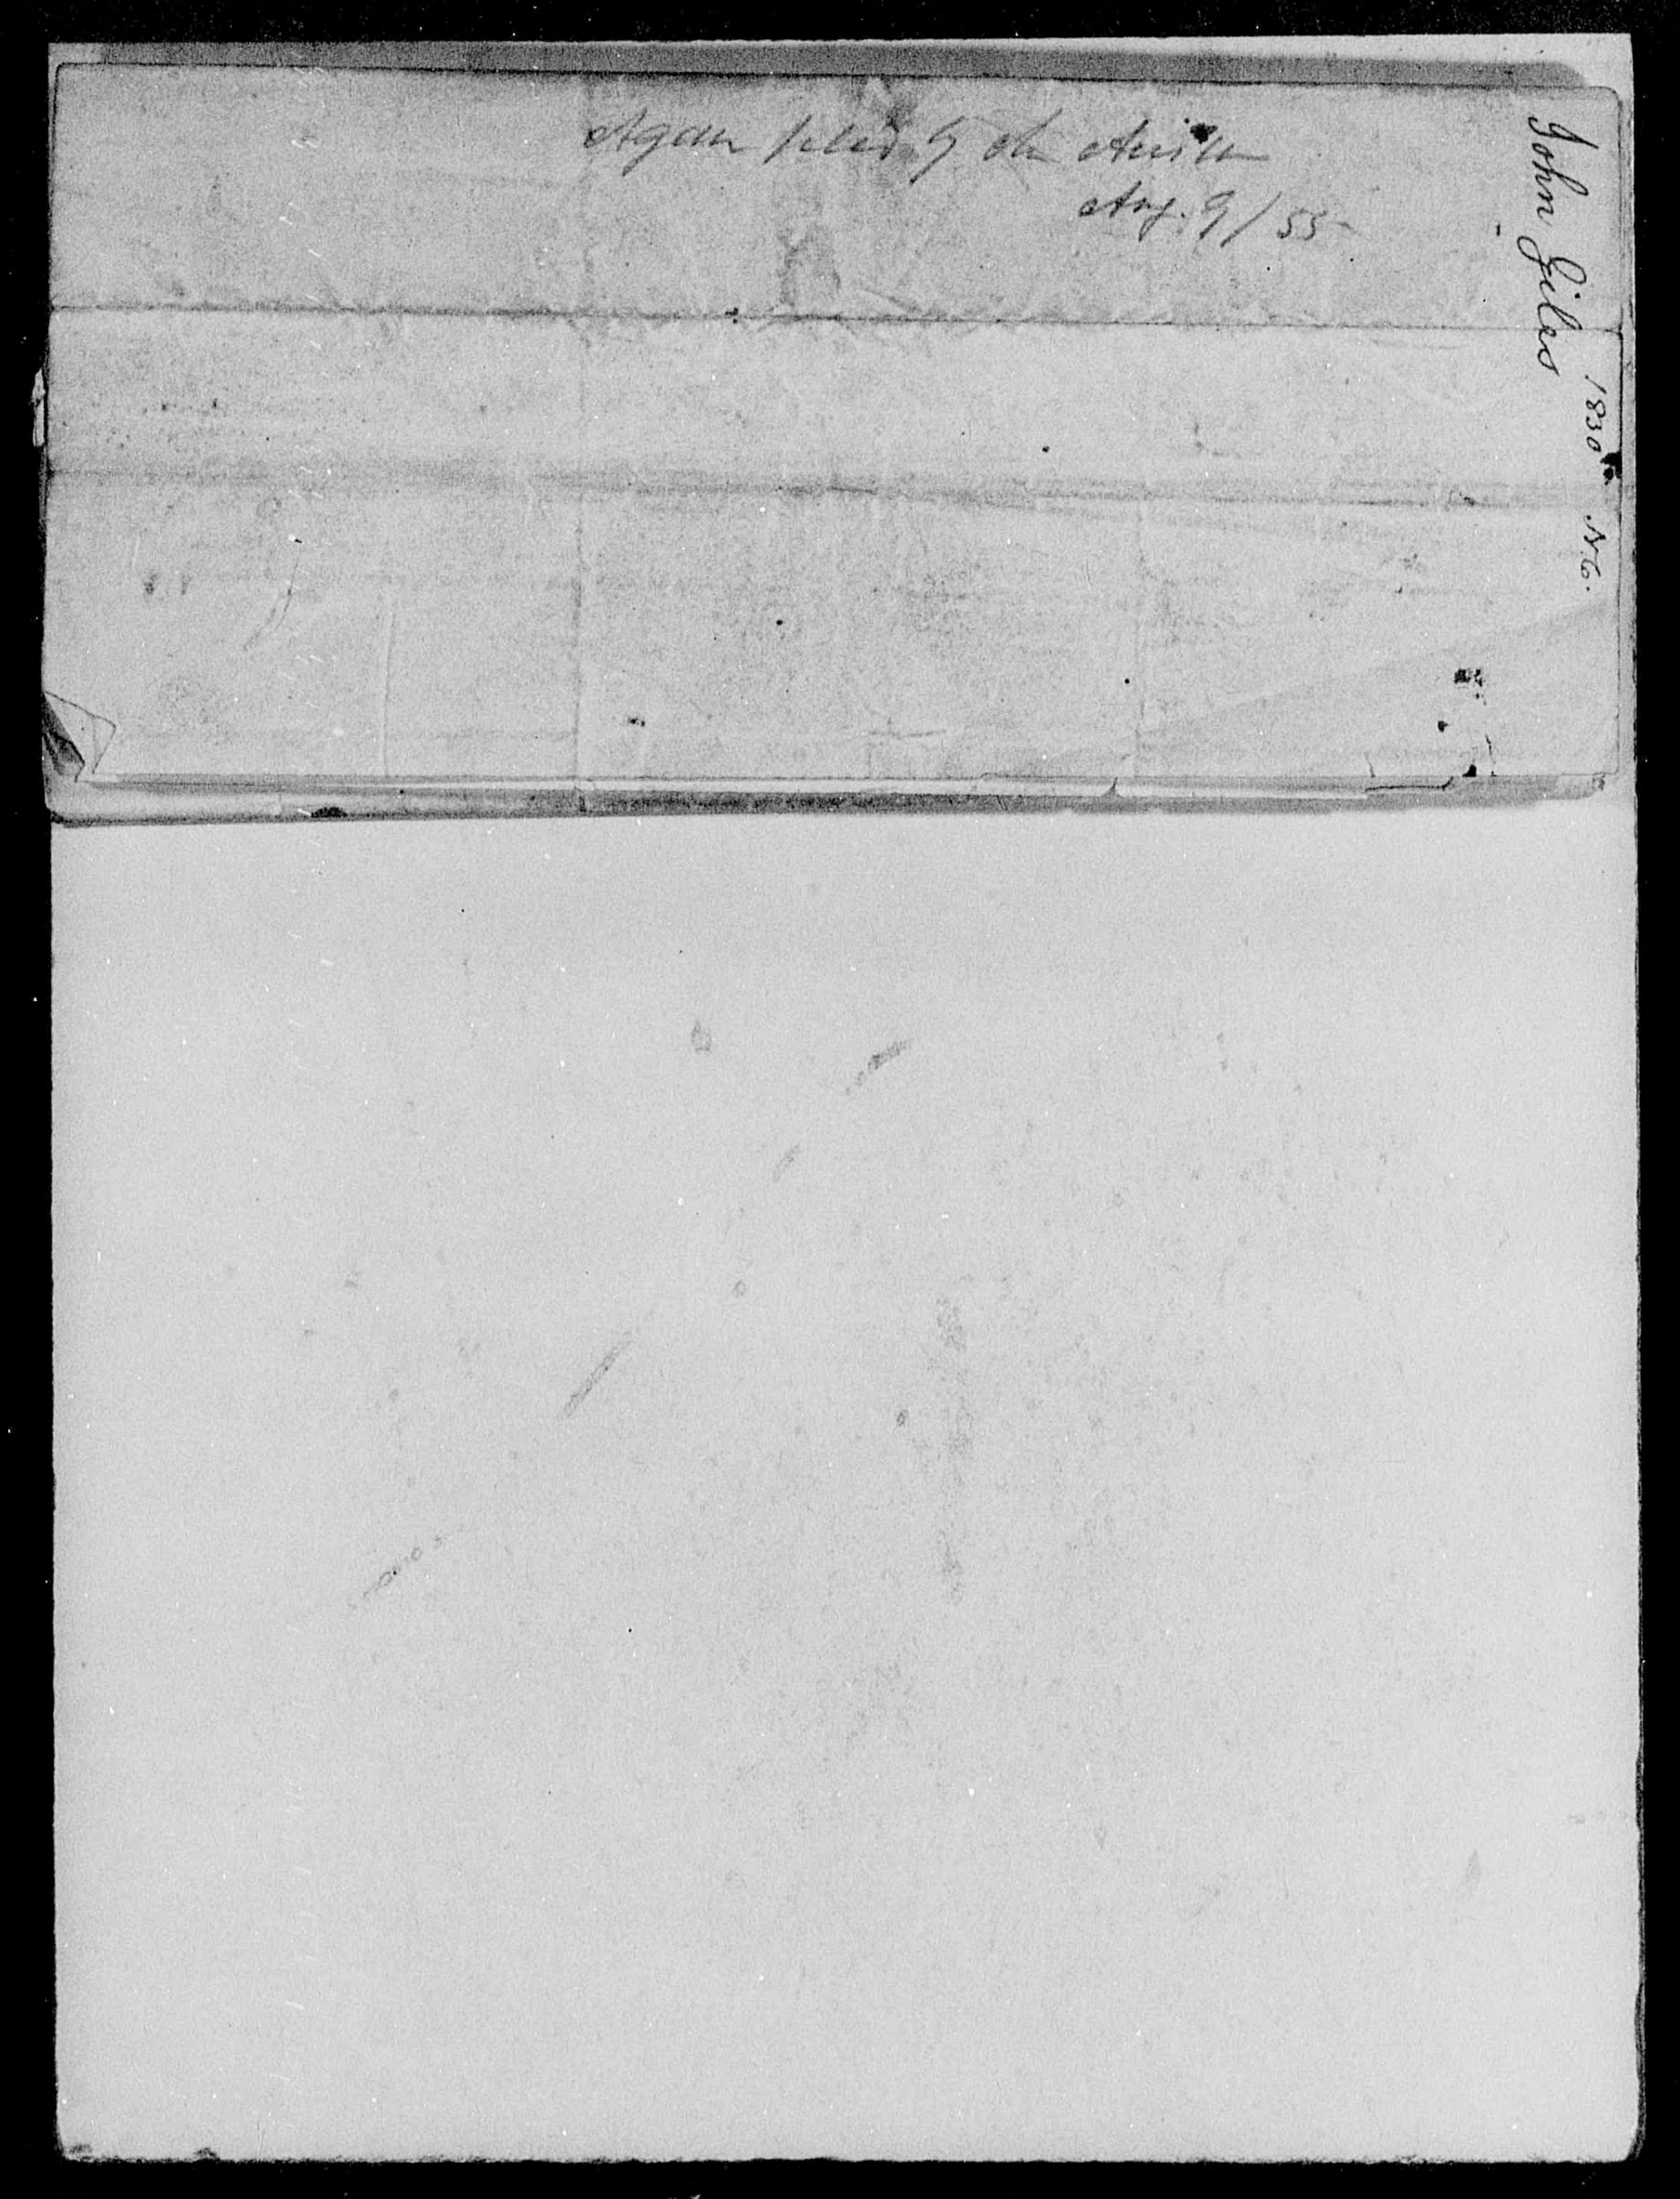Again filed 5th August
Aug.9/55
John Giles
1830 N.C.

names: John Giles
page: 71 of 82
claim: widow's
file: W. 7,522, John Giles, N.C.